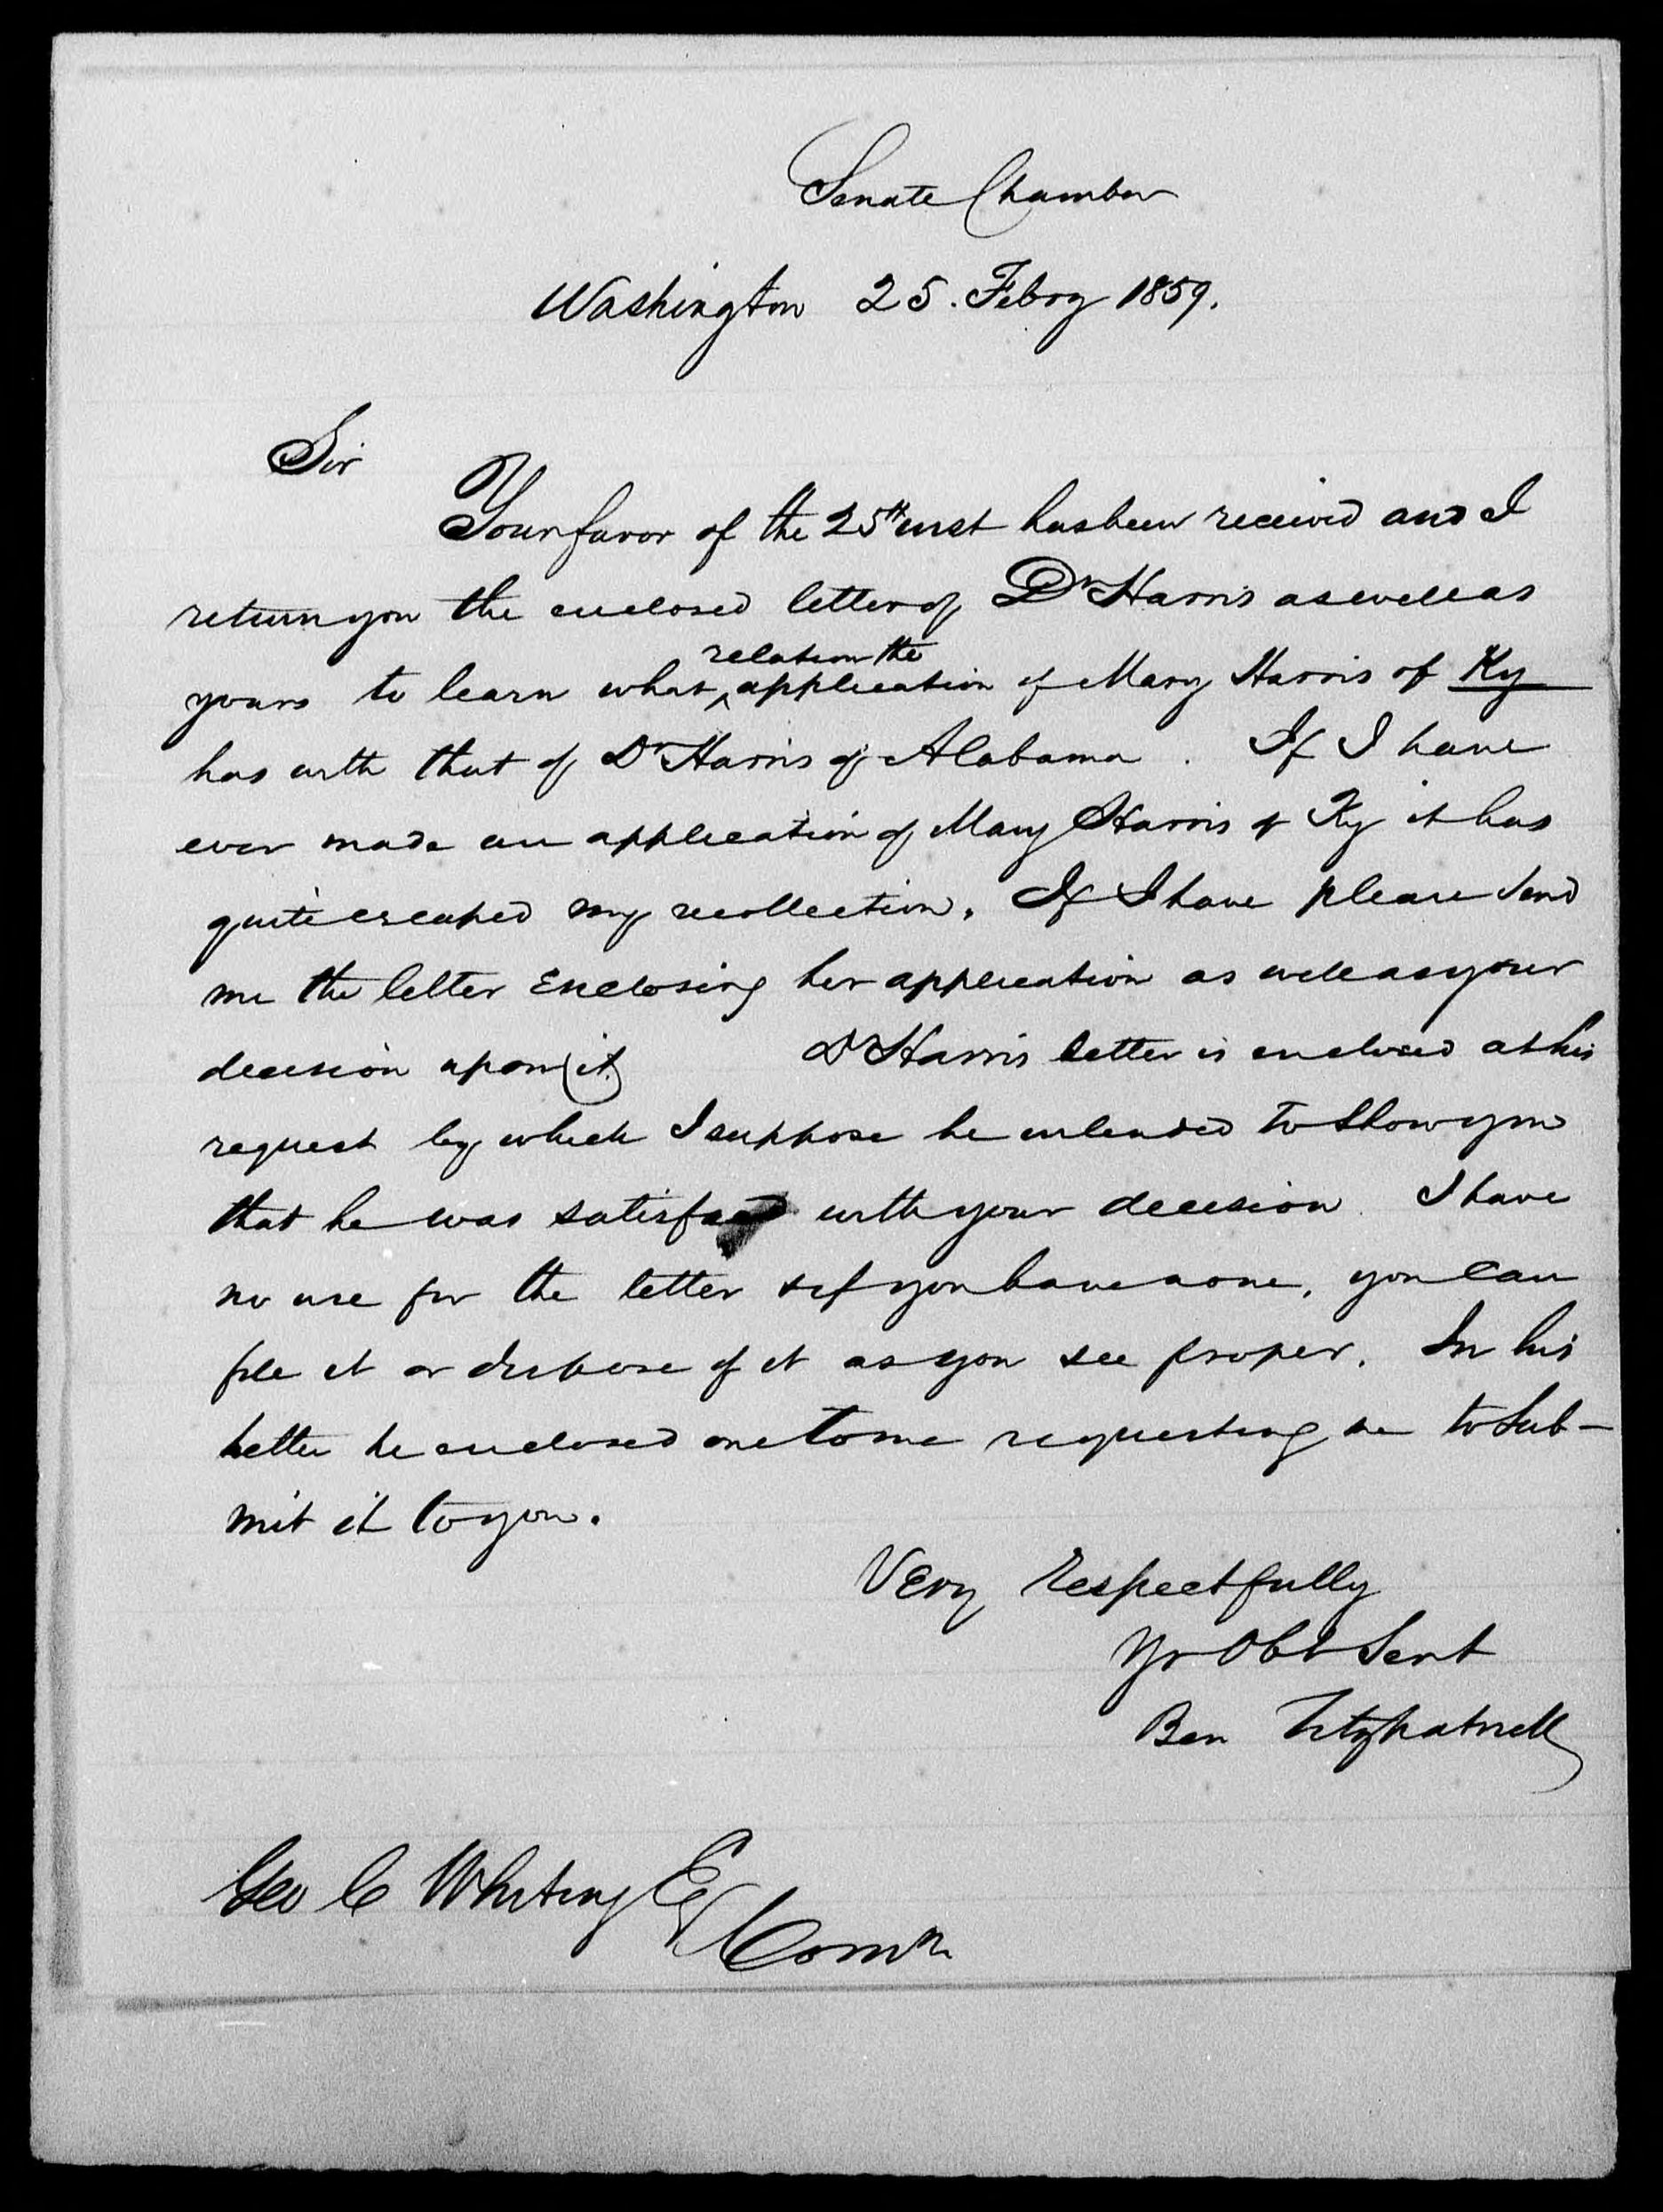Senate Chamber
Washington  25.Febry 1859
Sir
Your favor of the 25th inst has been received and I return you the enclosed letter of Dr. Harris as well as yours to learn what relation the application of Mary Harris of Ky has with that of Dr. Harris of Alabama.  If I have ever made an application of Mary Harris of Ky it has quite escaped any recollection.  If I have please send me the letter enclosing her application as well as your decision upon it.  Dr. Harris letter is enclosed at his request by which I suppose he intended to show you that he was satisfied with your decision.  I have no use for the letter & if you have some, you can file it or dispose of it as  you see proper.  In his letter he enclosed one to me requesting me to submit it to  you.
Very respectfully
Yr Obt Sert
Ben Fitzpatrick

Geo C. Whiting E
Comr.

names: Harris, Ben Fitzpatrick, Harris, Mary Harris, Geo C Whiting, Mary Harris, Harris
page: 142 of 160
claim: rejected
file: R. 4666, James Harris, Va.